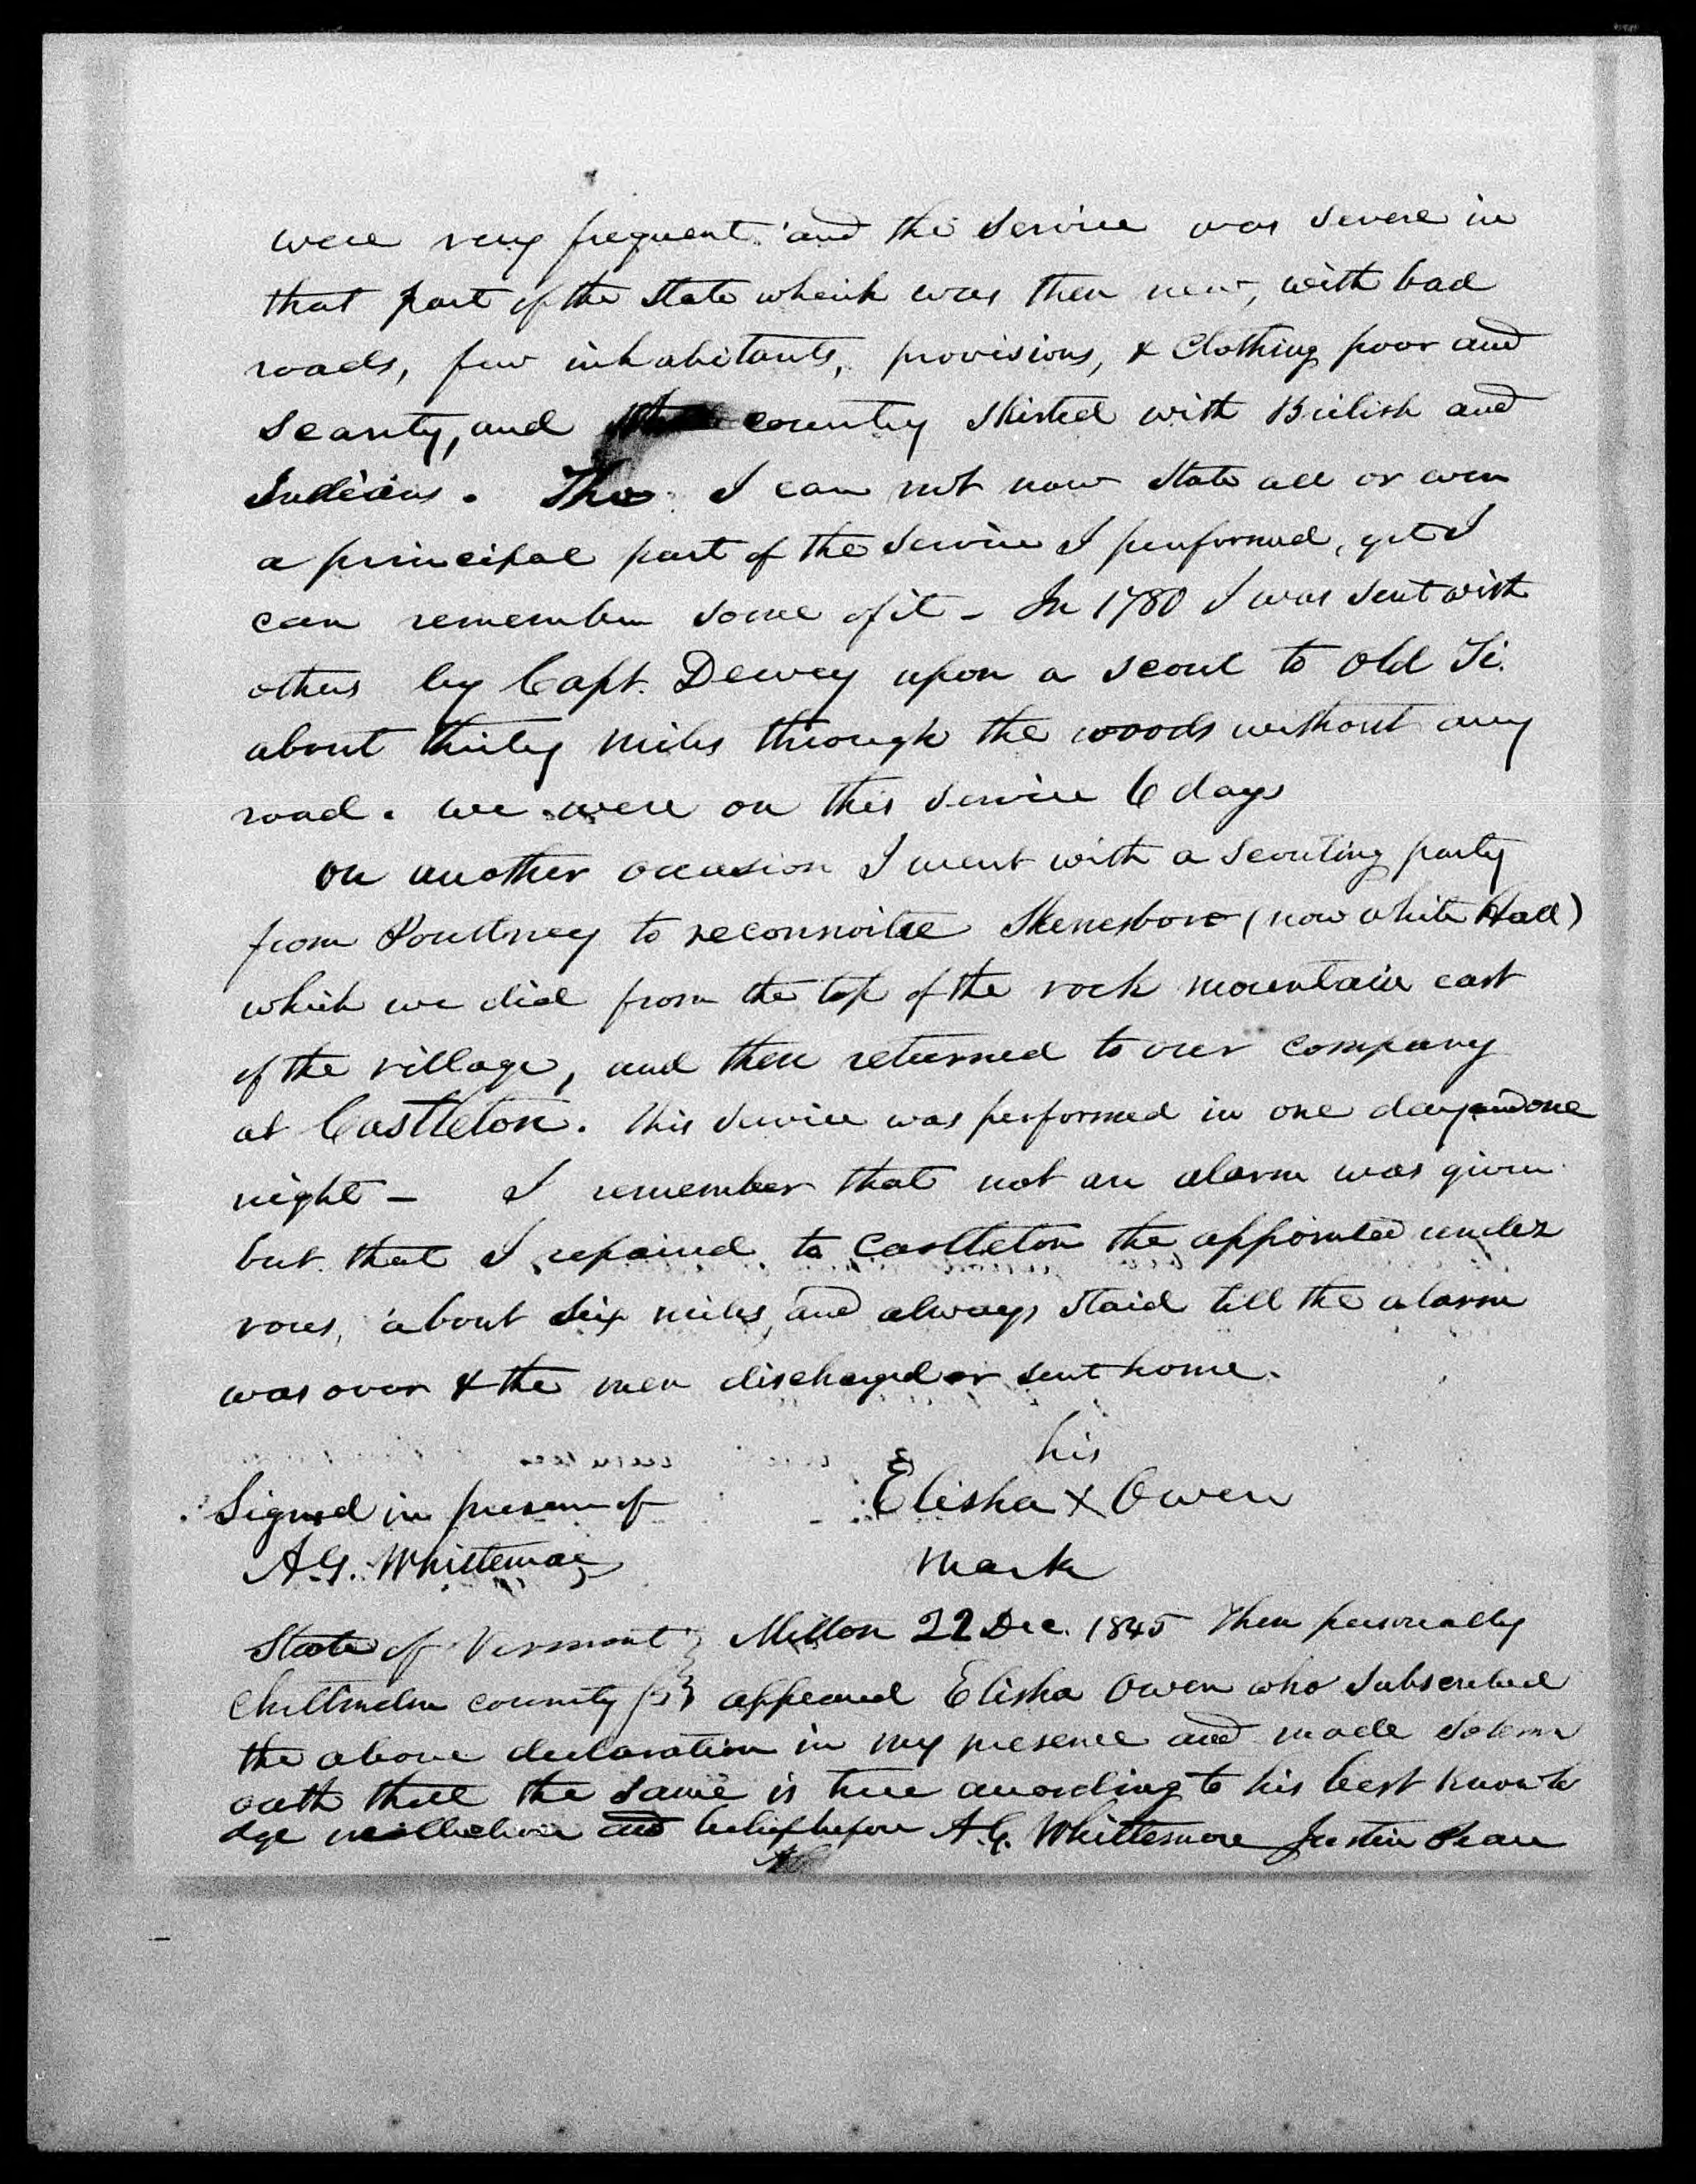were very frequent and this service was severe in that part of the state which was then new with bad roads, few inhabitants, provisions & clothing poor and scanty and [illeg] county skirted with British and Indians. This I can not now state all or even a principal part of the service I Performed yet I can remember some of it. In 1780, I was sent with others by Capt Dewey upon a scout to old [?] about thirty miles through the woods without any road. we were on this service 6 days
On another occasion I went with a scouting party from Poultney to reconnoitre Skenebore (now WhiteHall) which we did from the top of the rock mountains east of the village and there returned to our company at Castleton. This service was performed in one day and one night. I remember that not an alarm was given. but I repaired to Castleton the appointed rendez vous about six miles and always staid till the alarm was over & the men discharged or sent home
his mark X Elisha Owen
Signed in the presence of A.G. Whittemore
State of Vermont, Chittenden County, Milton 22 Dec 1845 then personally    appeared Elisha Owen who subscribed the above declaration in my presence and made solemn oath there the same is true according to his best knowledge  A.G. Whittemore, Justice  Peace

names: Elisha Owen; [BLANK] Dewey; A G Whittemae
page: 13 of 23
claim: survivor's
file: S 14072, for Elisha Owen, Vermont